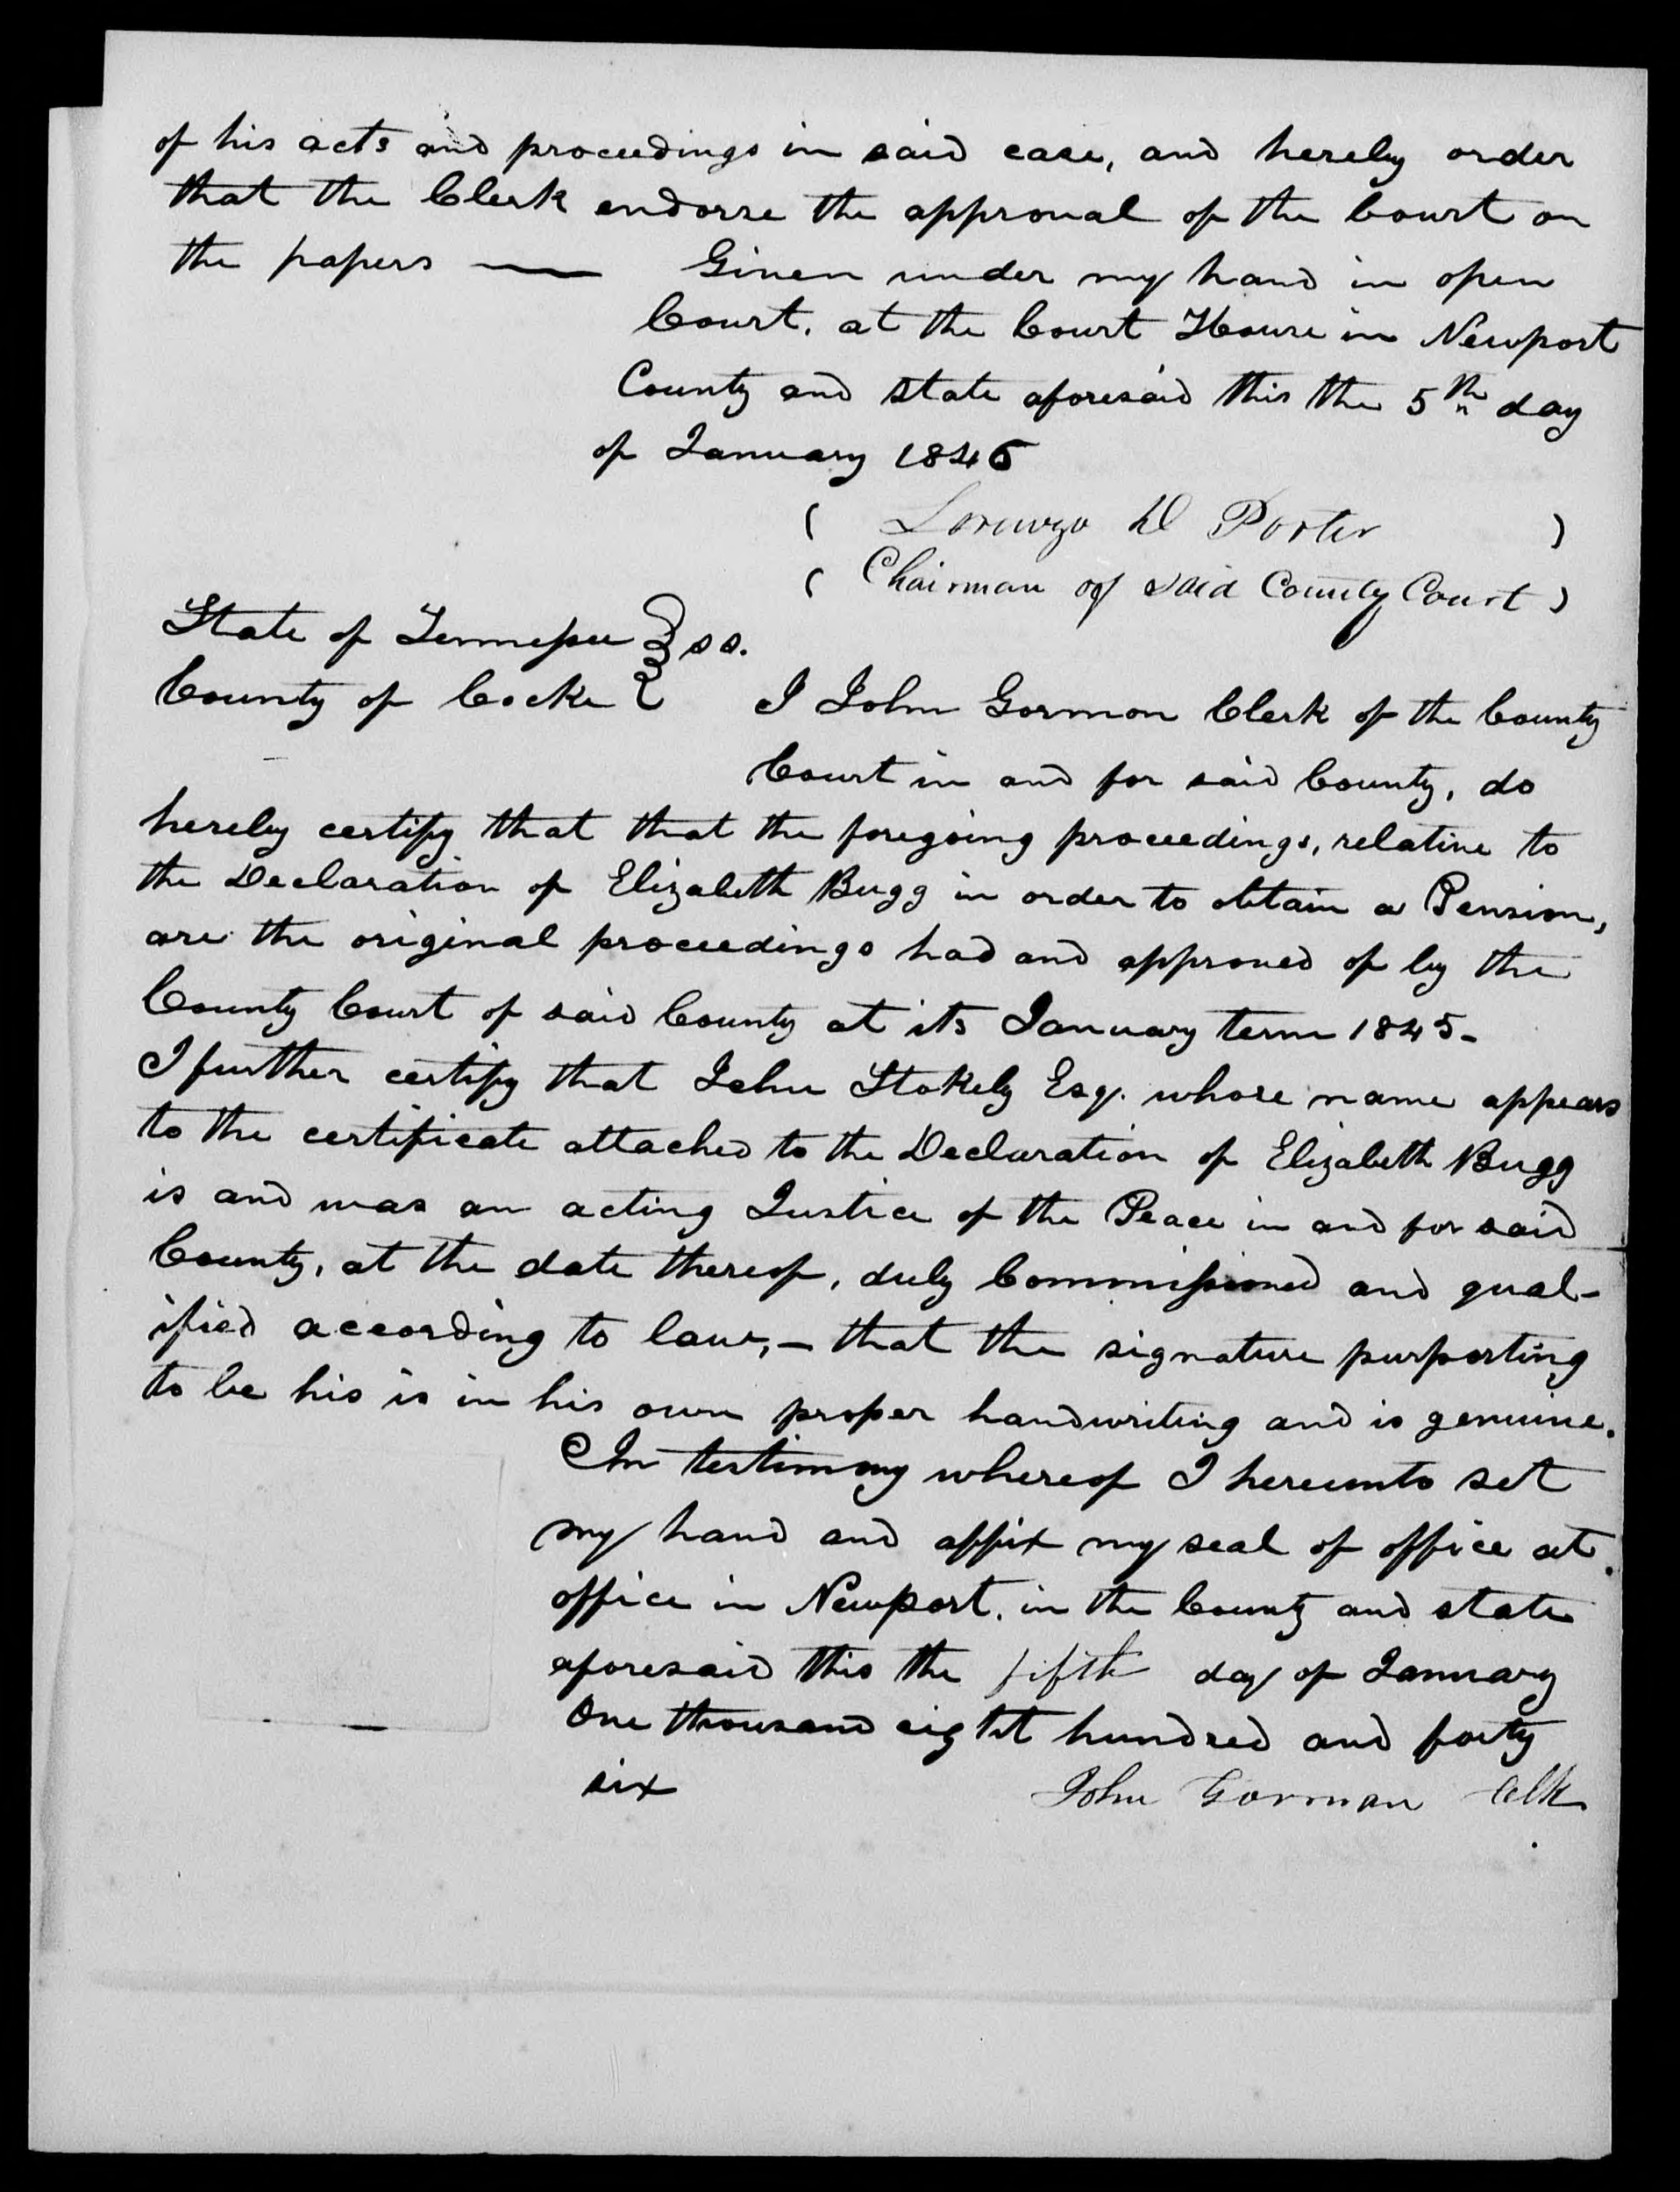[In dark ink] of his acts and proceedings in said case, and hereby order that the Clerk endorse the approval of the Court on [or perhaps "or"] the papers -- Given under my hand in open Court, at the Court House in Newport 
County and state aforesaid this the 5th day of January [here it looks like the year has been changed to 1846, possibly having been changed from 1845 earlier.]
( [The following name and title are in lighter ink and different handwriting.]  Lorenzo D Porter)
(Chairman of said County Court)

[Resuming in dark ink and the original handwriting shown on this page:]

State of Tennessee ) ss.
County of Cocke)    I John Gormon Clerk of the County Court in and for said County, do hereby certify that the foregoing proceedings, relative to the Declaration of Elizabeth [or Elizabith] Bugg in order to obtain a Pension, are the original proceedings had and approved of by the County Court of said County at it January term 1845.- 

I further certify that Jehu Stokely Esq. whose name appears to the certificate attached to the Declaration of Elizabeth [or Elizabith] Bugg is and was an acting Justice of the Peace in and for said County, at the date thereof, duly Commissioned and qualified according to law, - that the signature purporting to be his is in his own proper handwriting and is genuine.

[To the left lower part of the page, there is the faint outline of a roughly square small piece of paper, which appears to be covering a round imprint, perhaps of a stamped wax impression.  To the right of that appears the following:]   In testimony whereof I hereunto set my hand and affix my seal of office at office in Newport, in the County and state aforesaid this the [in lighter ink] fifth [resuming darker ink] day of January One thousand eight hundred and forty six 
[In light ink] John Gorman - Clk [Clerk]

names: Elizabeth Bugg, Elizabeth Bugg, John Gorman, Jehu Stokely, Lorenzo D Porter, John Gormon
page: 50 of 50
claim: widow's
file: W. 898, William Bugg, N.C.